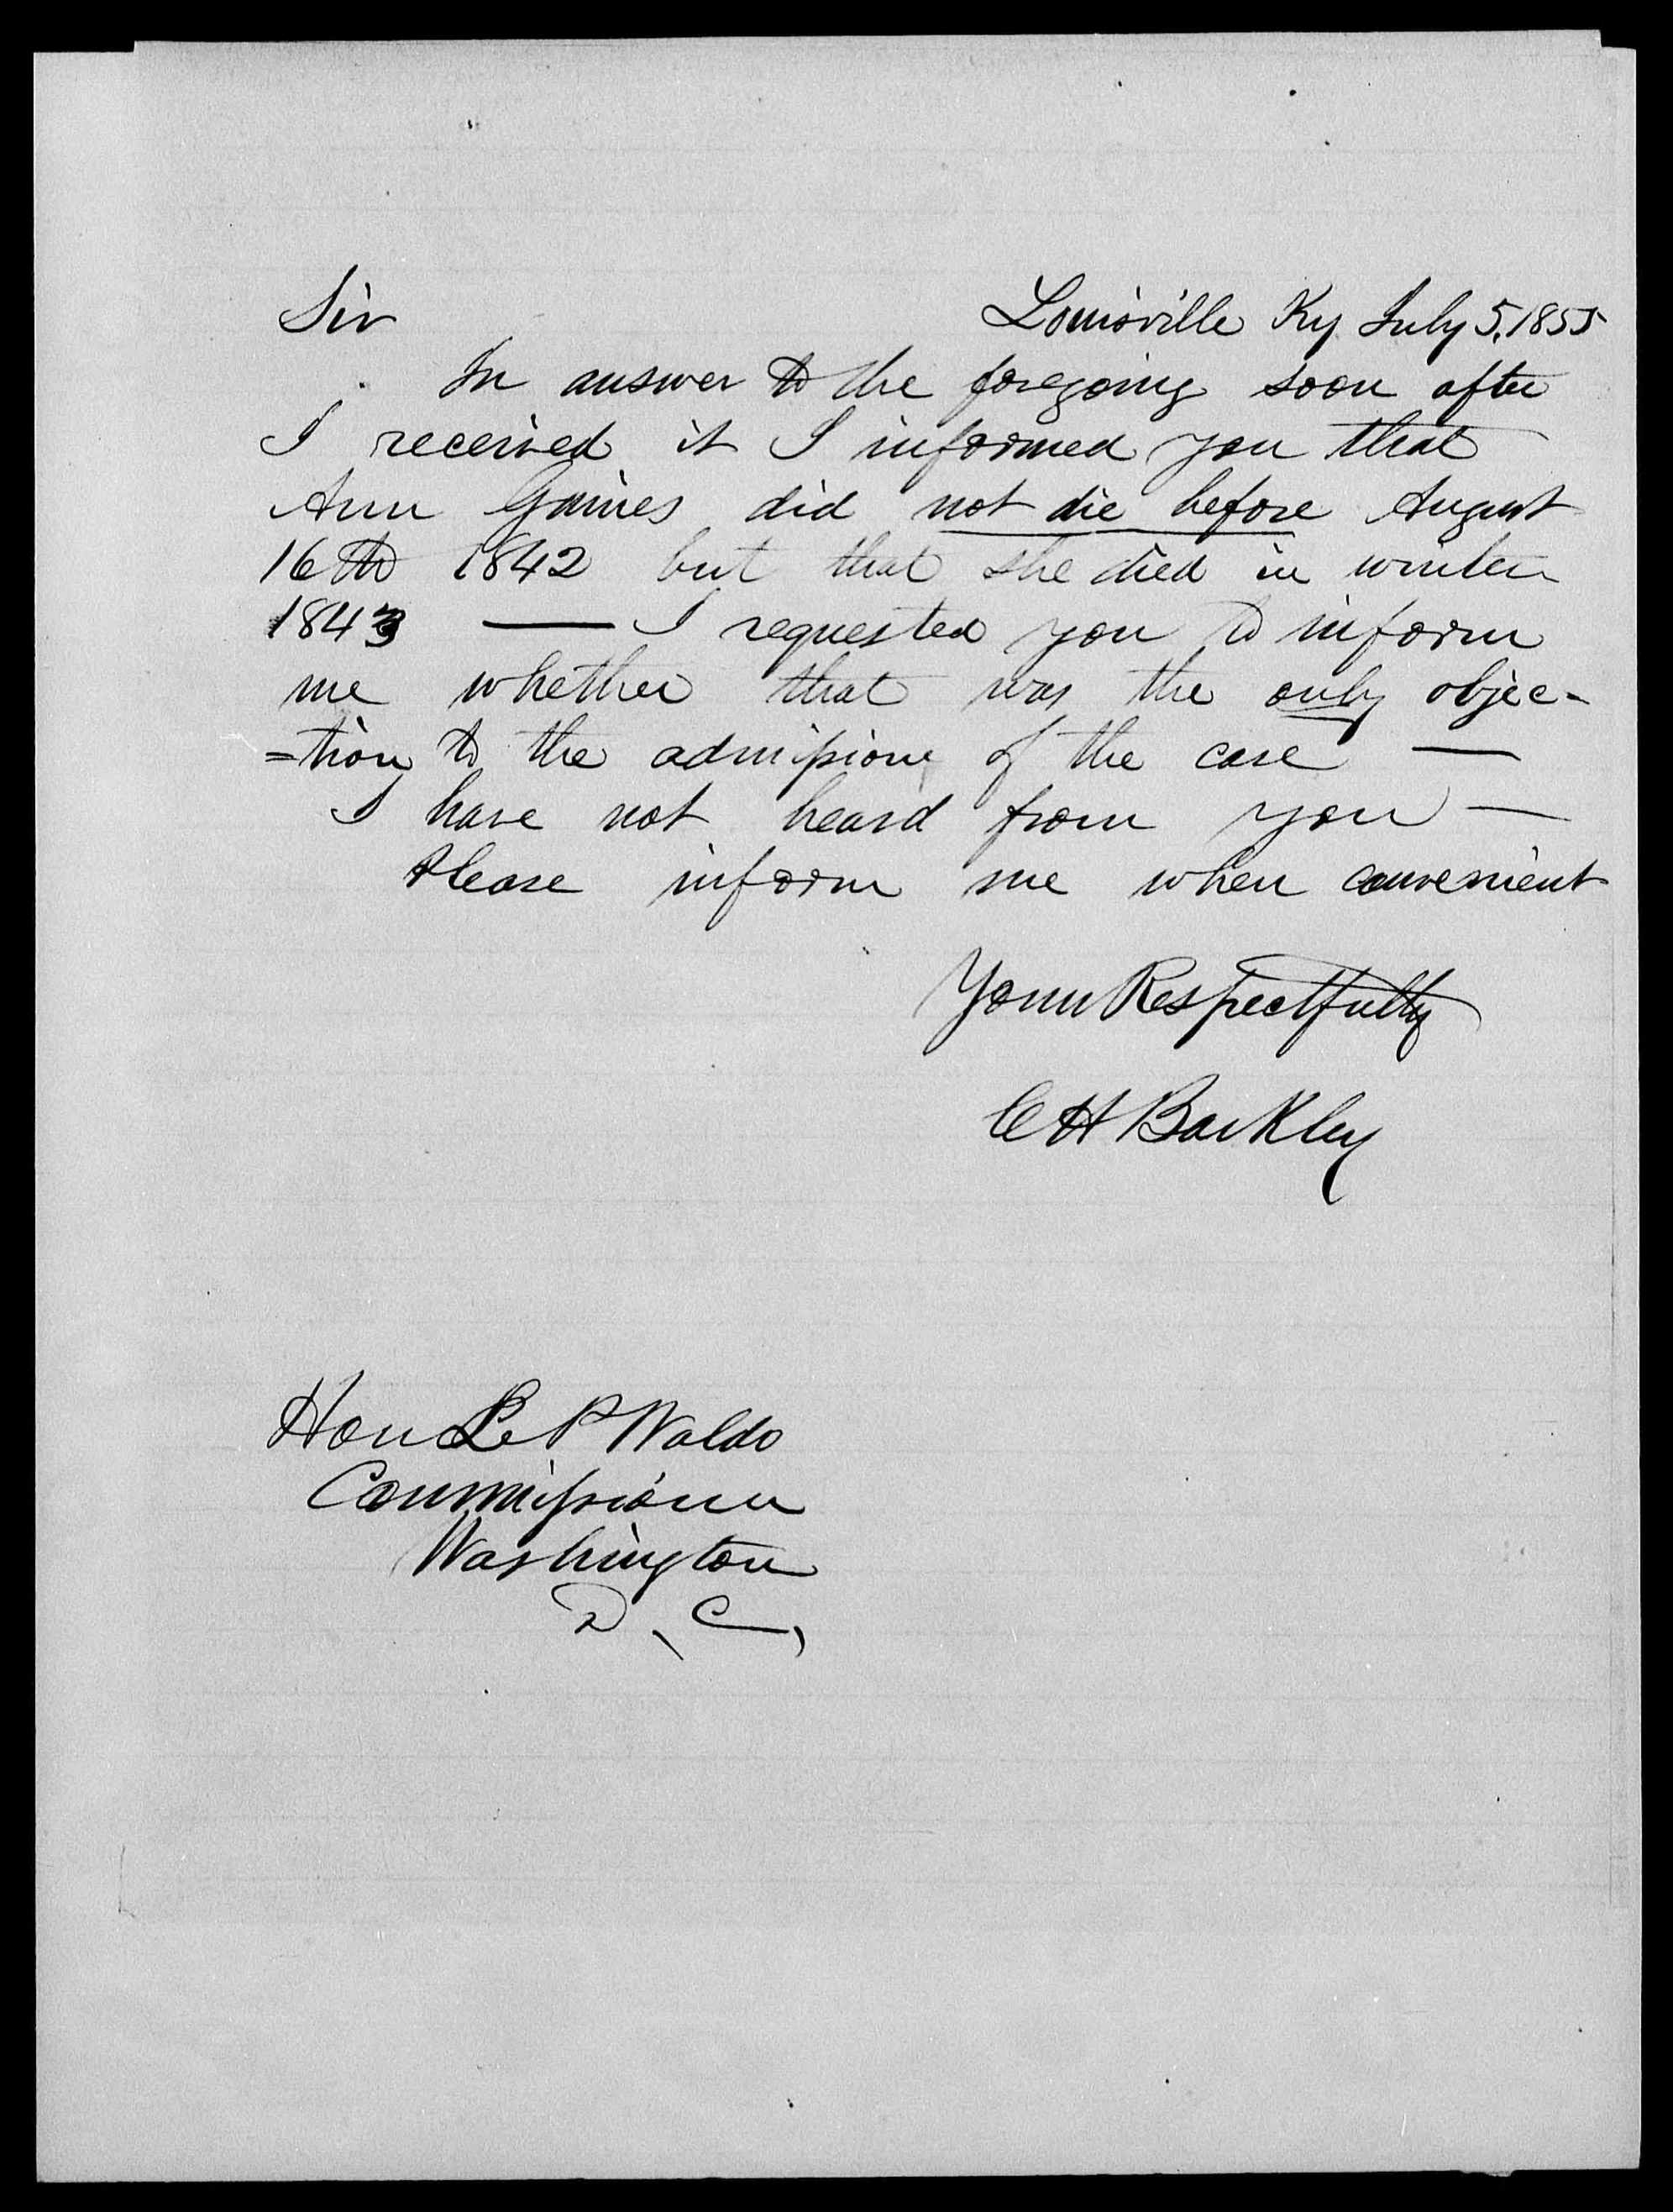Louisville Ky July 5, 1855
Sir
In answer to the foregoing soon after
I received it I informed you that
Ann Gaines did not die before August
16th 1842 but that she died in winter
1843 - I requested you to inform
whether that was the only objection 
to the admission of the case -
I have not heard from you -
Please inform me when convenient
Yours Respectfully
C H Barkley

Hon L P Waldo
Commissioner
Washington D. C.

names: C H Barkley, L P Waldo, Ann Gaines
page: 58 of 79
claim: rejected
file: R. 3863, Robert Gaines, Va.